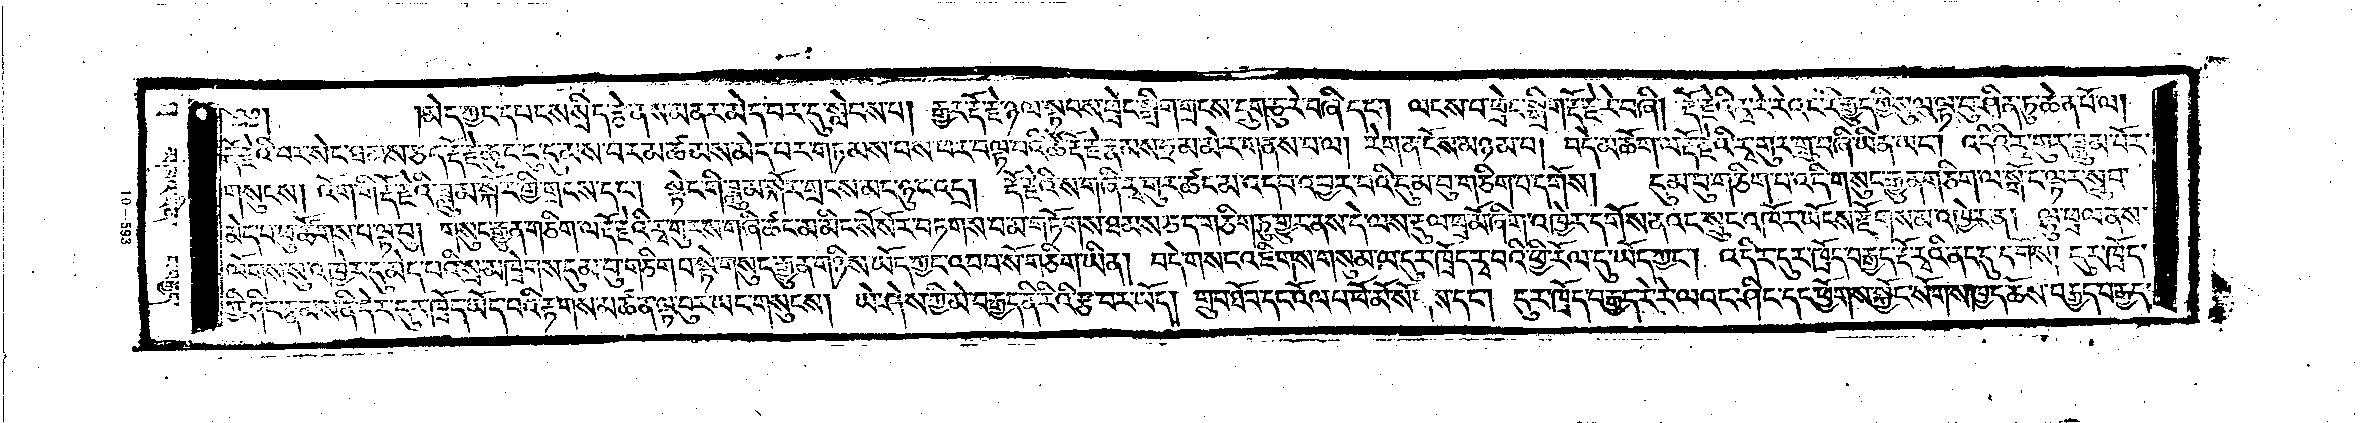༄༅། །མེད་ཀྱང་དཔངས་སྲིད་རྩེ་ནས་མནར་མེད་བར་དུ་སླེབས་པ། རྒྱར་རྡོ་རྗེ་ཉལ་སྟབས་ཕྲེང་སྒྲིག་གྲངས་དྲུག་ཅུ་རེ་བཞི་དང་། ལངས་པ་ཕྲེང་སྒྲིག་རྡོ་རྗེ་རེ་བཞི། རྡོ་རྗེའི་རྭ་རེ་རེའང་རི་རྒྱུད་ཀྱི་སུ་ལ་ལྟ་བུ་ཤིན་ཏུ་ཆེན་པོ་ལ།
རྡོ་རྗེའི་བར་སེང་ཐམས་ཅད་རྡོ་རྗེ་ཆུང་ངུ་དུ་མས་བར་མཚམས་མེད་པར་གཏམས་པས་ཕར་བལྟ་བའི་ཚེ་རྡོ་རྗེ་རྣམས་ཧྲམ་མེར་གནས་པ་ལ། རེག་ན་ངོས་མཉམ་པ། བདེ་མཆོག་ལ་རྡོ་རྗེའི་རྭ་གུར་གྲུ་བཞི་ཡིན་ཡང་། འདིའི་རྭ་གུར་ཟླུམ་པོར་གསུངས། འོག་གི་རྡོ་རྗེའི་ཟླུམ་སྐོར་གྱི་གྲངས་དང་། སྟེང་གི་ཟླུམ་སྐོར་གྲངས་མང་ཉུང་འདྲ། རྡོ་རྗེའི་ས་གཞི་རྭ་གུར་ཚང་མ་འདབ་འབྱར་བའི་དུམ་བུ་གཅིག་པ་དགོས། དུམ་བུ་གཅིག་པ་འདི་གསུང་རྒྱུན་གཅིག་ལ་སྒོ་ང་ལྟར་སྲུབ་
མེད་པ་ཕུ་ཚོགས་པ་ལྟ་བུ། གསུང་རྒྱུན་གཅིག་ལ་རྡོ་རྗེའི་རྭ་གུར་ས་གཞི་ཚང་མ་མིང་སོ་སོར་བཏགས་པ་མ་གཏོགས་ཐམས་ཅད་གཅིག་ཏུ་གྱུར་ནས་དེ་ལས་རྡུལ་ཕྲ་མོ་ཞིག་འཁྱེར་དགོས་ནའང་སྲུང་འཁོར་ཡོངས་རྫོགས་མ་འཁྱེར་ན། ལྷུ་ཕྲལ་ནས་
ལོགས་སུ་འཁྱེར་དུ་མེད་པའི་སྲ་མཁྲེགས་དུམ་བུ་གཅིག་པ་སྟེ་གསུང་རྒྱུན་གཉིས་ཡོད་ཀྱང་འབབ་སོ་གཅིག་ཡིན། བདེ་གསང་འཇིགས་གསུམ་ལ་དུར་ཁྲོད་རྭ་བའི་ཕྱི་རོལ་དུ་ཡོད་ཀྱང་། འདིར་དུར་ཁྲོད་བརྒྱད་རྡོ་རྭའི་ནང་དུ་དགོས། དུར་ཁྲོད་
ཀྱི་ཤིང་རྣམས་ནི་དེར་དུར་ཁྲོད་ཡོད་པའི་རྟགས་མཚན་ལྟ་བུར་ཡང་གསུངས། ཡེ་ཤེས་ཀྱི་མེ་བརྒྱད་ནི་རིའི་རྩ་བར་ཡོད། གྲུབ་ཐོབ་དང་འོལ་བ་ཕོ་མོ་སོགས་དང་། དུར་ཁྲོད་བརྒྱད་རེ་རེ་ལའང་ཤིང་དང་ཕྱོགས་སྐྱོང་སོགས་ཁྱད་ཆོས་བརྒྱད་བརྒྱད་